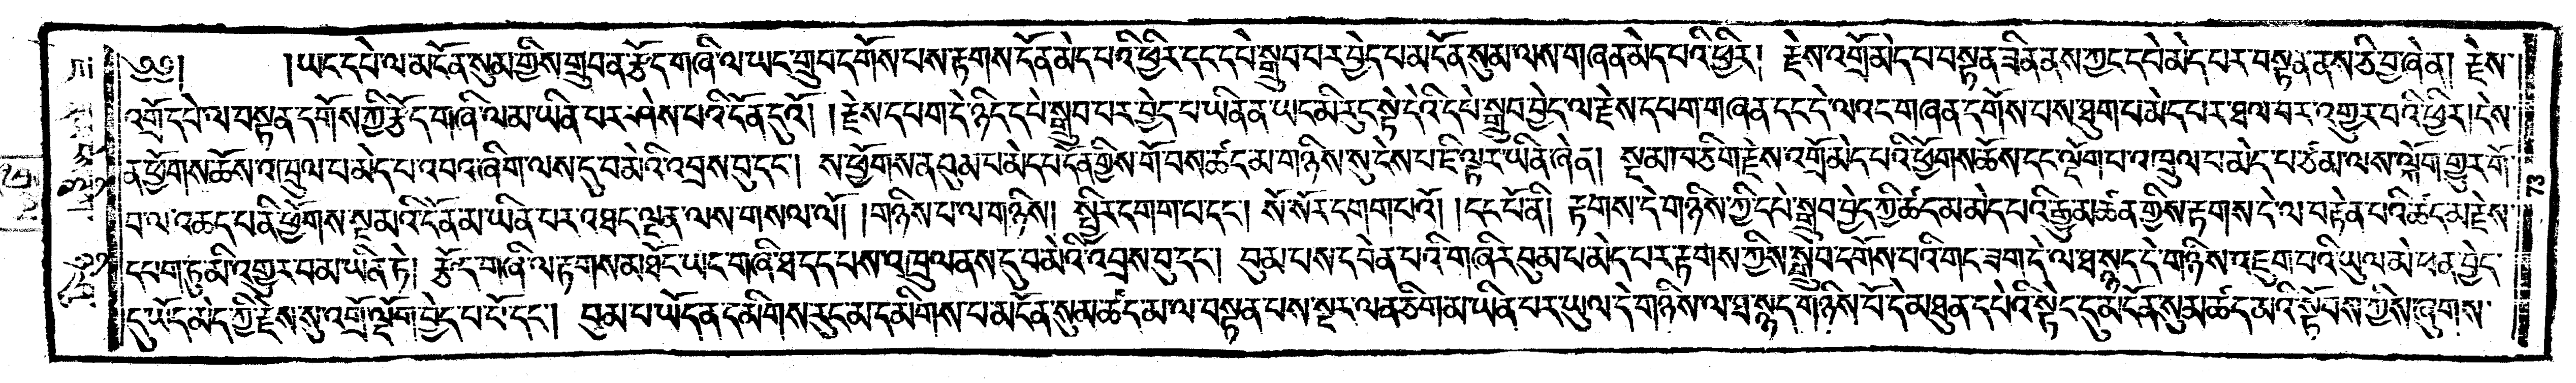༄༅། །ཡང་དཔེ་ལ་མངོན་སུམ་གྱིས་གྲུབ་ན་རྩོད་གཞི་ལ་ཡང་གྲུབ་དགོས་པས་རྟགས་དོན་མེད་པའི་ཕྱིར་དང་དཔེ་སྒྲུབ་པར་བྱེད་པ་མངོན་སུམ་ལས་གཞན་མེད་པའི་ཕྱིར། རྗེས་འགྲོ་མེད་པ་བསྟན་ཟིན་ནས་ཀྱང་དཔེ་མེད་པར་བསྟན་ནས་ཅི་བྱ་ཞེ་ན། རྗེས་
འགྲོ་དཔེ་ལ་བསྟན་དགོས་ཀྱི་རྩོད་གཞི་ལ་མ་ཡིན་པར་ཤེས་པའི་དོན་དུའོ། །རྗེས་དཔག་དེ་ཉིད་དཔེ་སྒྲུབ་པར་བྱེད་པ་ཡིན་ན་ཡང་མི་རུང་སྟེ་དེའི་དཔེ་སྒྲུབ་བྱེད་ལ་རྗེས་དཔག་གཞན་དང་དེ་ལའང་གཞན་དགོས་པས་ཐུག་པ་མེད་པར་ཐལ་བར་འགྱུར་བའི་ཕྱིར། དེས་
ན་ཕྱོགས་ཆོས་འཁྲུལ་བ་མེད་པ་འབའ་ཞིག་ལས་དུ་བ་མེའི་འབྲས་བུ་དང་། ས་ཕྱོགས་ན་བུམ་པ་མེད་པ་དོན་གྱིས་གོ་བས་ཚད་མ་གཉིས་སུ་ངེས་པ་ཇི་ལྟར་ཡིན་ཞེ་ན། སྔ་མ་ཁ་ཅིག་རྗེས་འགྲོ་མེད་པའི་ཕྱོགས་ཆོས་དང་ལྡོག་པ་འཁྲུལ་བ་མེད་པ་ཙམ་ལས་ལྐོག་གྱུར་གོ་
བ་ལ་འཆད་པ་ནི་ཕྱོགས་སྔ་མའི་དོན་མ་ཡིན་པར་འཐད་ལྡན་ལས་གསལ་ལོ། །གཉིས་པ་ལ་གཉིས། སྤྱིར་དགག་པ་དང་། སོ་སོར་དགག་པའོ། །དང་པོ་ནི། རྟགས་དེ་གཉིས་ཀྱི་དཔེ་སྒྲུབ་བྱེད་ཀྱི་ཚད་མ་མེད་པའི་རྒྱུ་མཚན་གྱིས་རྟགས་དེ་ལ་བརྟེན་པའི་ཚད་མ་རྗེས་
དཔག་ཏུ་མི་འགྱུར་བ་མ་ཡིན་ཏེ། རྩོད་གཞི་ལ་རྟགས་མཐོང་ཡང་གཞི་ཐ་དད་པས་འཁྲུལ་ནས་དུ་བ་མེའི་འབྲས་བུ་དང་། བུམ་པས་དབེན་པའི་གཞིར་བུམ་པ་མེད་པར་རྟགས་ཀྱིས་སྒྲུབ་དགོས་པའི་གང་ཟག་དེ་ལ་ཐ་སྙད་དེ་གཉིས་འཇུག་པའི་ཡུལ་མེ་ཕན་བྱེད་
དུ་ཡོད་མེད་ཀྱི་རྗེས་སུ་འགྲོ་ལྡོག་བྱེད་པ་པོ་དང་། བུམ་པ་ཡོད་ན་དམིགས་རུང་མ་དམིགས་པ་མངོན་སུམ་ཚད་མ་ལ་བསྟན་པས་སྔར་ལན་ཅིག་མ་ཡིན་པར་ཡུལ་དེ་གཉིས་ལ་ཐ་སྙད་གཉིས་པོ་དེ་མཐུན་དཔེའི་སྟེང་དུ་མངོན་སུམ་ཚད་མའི་སྟོབས་ཀྱིས་ཞུགས་